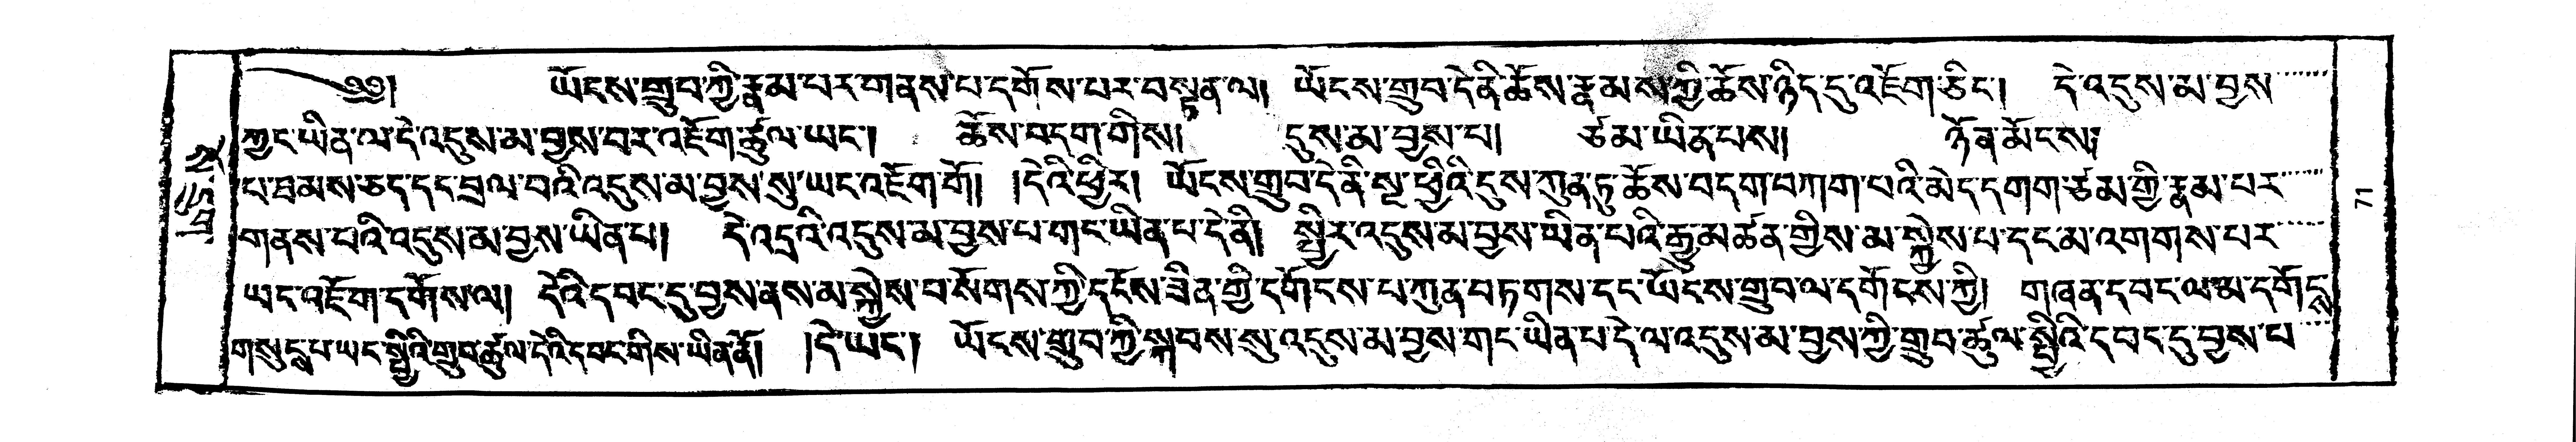༄༅། །ཡོངས་གྲུབ་ཀྱི་རྣམ་པར་གནས་པ་དགོས་པར་བསྟན་ལ། ཡོངས་གྲུབ་དེ་ནི་ཆོས་རྣམས་ཀྱི་ཆོས་ཉིད་དུ་འཇོག་ཅིང་། དེ་འདུས་མ་བྱས་
ཀྱང་ཡིན་ལ་དེ་འདུས་མ་བྱས་པར་འཇོག་ཚུལ་ཡང་། ཆོས་བདག་གིས། དུས་མ་བྱས་པ། ཙམ་ཡིན་པས། ཉོན་མོངས།
པ་ཐམས་ཅད་དང་བྲལ་བའི་འདུས་མ་བྱས་སུ་ཡང་འཇོག་གོ། །དེའི་ཕྱིར། ཡོངས་གྲུབ་དེ་ནི་སྔ་ཕྱིའི་དུས་ཀུན་ཏུ་ཆོས་བདག་བཀག་པའི་མེད་དགག་ཙམ་གྱི་རྣམ་པར་
གནས་པའི་འདུས་མ་བྱས་ཡིན་པ། དེ་འདྲའི་འདུས་མ་བྱས་པ་གང་ཡིན་པ་དེ་ནི། སྤྱིར་འདུས་མ་བྱས་ཡིན་པའི་རྒྱུ་མཚན་གྱིས་མ་སྐྱེས་པ་དང་མ་འགགས་པར་
ཡང་འཇོག་དགོས་ལ། དེའི་དབང་དུ་བྱས་ནས་མ་སྐྱེས་བ་སོགས་ཀྱི་དངོས་ཟིན་གྱི་དགོངས་པ་ཀུན་བཏགས་དང་ཡོངས་གྲུབ་ལ་དགོངས་ཀྱི། གཞན་དབང་ལ་མ་དགོངས་
གསུངས་པ་ཡང་སྤྱིའི་གྲུབ་ཚུལ་དེའི་དབང་གིས་ཡིན་ནོ། །དེ་ཡང་། ཡོངས་གྲུབ་ཀྱི་སྐབས་སུ་འདུས་མ་བྱས་གང་ཡིན་པ་དེ་ལ་འདུས་མ་བྱས་ཀྱི་གྲུབ་ཚུལ་སྤྱིའི་དབང་དུ་བྱས་པ་